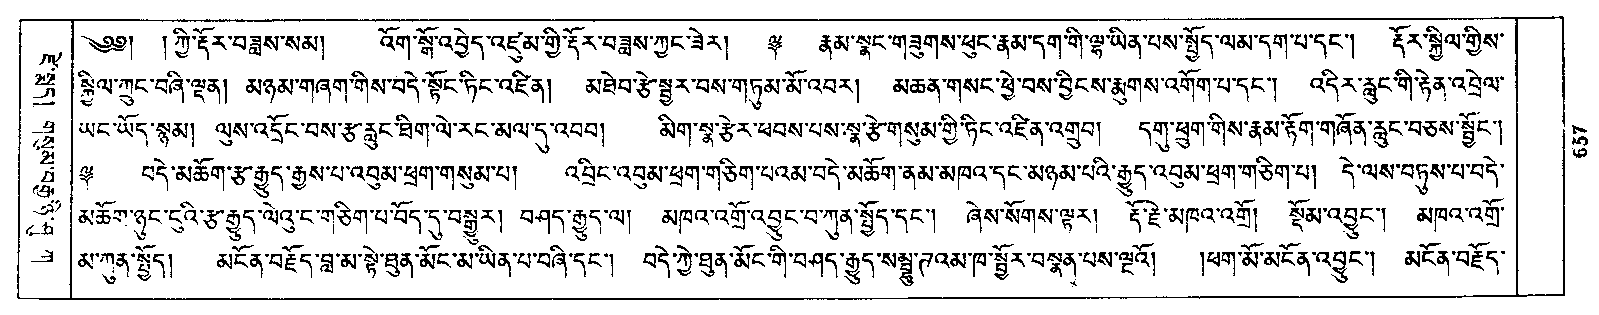༄༅། །ཀྱི་རྡོར་བཟླས་སམ། འོག་སྒོ་འབྱེད་འཛུམ་གྱི་རྡོར་བཟླས་ཀྱང་ཟེར། ༈ རྣམ་སྣང་གཟུགས་ཕུང་རྣམ་དག་གི་ལྷ་ཡིན་པས་སྤྱོད་ལམ་དག་པ་དང་། རྡོར་སྐྱིལ་གྱིས་
སྐྱིལ་ཀྲུང་བཞི་ལྡན། མཉམ་གཞག་གིས་བདེ་སྟོང་ཏིང་འཛིན། མཐེབ་རྩེ་སྦྱར་བས་གཏུམ་མོ་འབར། མཆན་གསང་ཕྱེ་བས་བྱིངས་རྨུགས་འགོག་པ་དང་། འདིར་རླུང་གི་རྟེན་འབྲེལ་
ཡང་ཡོད་སྙམ། ལུས་འདྲོང་བས་རྩ་རླུང་ཐིག་ལེ་རང་མལ་དུ་འབབ། མིག་སྣ་རྩེར་ཕབས་པས་སྣ་རྩེ་གསུམ་གྱི་ཏིང་འཛིན་འགྲུབ། དགུ་ཕྲུག་གིས་རྣམ་རྟོག་གཞོན་རླུང་བཅས་སྦྱོང་།
༈ བདེ་མཆོག་རྩ་རྒྱུད་རྒྱས་པ་འབུམ་ཕྲག་གསུམ་པ། འབྲིང་འབུམ་ཕྲག་གཅིག་པའམ་བདེ་མཆོག་ནམ་མཁའ་དང་མཉམ་པའི་རྒྱུད་འབུམ་ཕྲག་གཅིག་པ། དེ་ལས་བཏུས་པ་བདེ་
མཆོག་ཉུང་ངུའི་རྩ་རྒྱུད་ལེའུ་ང་གཅིག་པ་བོད་དུ་བསྒྱུར། བཤད་རྒྱུད་ལ། མཁའ་འགྲོ་འབྱུང་བ་ཀུན་སྤྱོད་དང་། ཞེས་སོགས་ལྟར། རྡོ་རྗེ་མཁའ་འགྲོ། སྡོམ་འབྱུང་། མཁའ་འགྲོ་
མ་ཀུན་སྤྱོད། མངོན་བརྗོད་བླ་མ་སྟེ་ཐུན་མོང་མ་ཡིན་པ་བཞི་དང་། བདེ་ཀྱེ་ཐུན་མོང་གི་བཤད་རྒྱུད་སམྦྷུ་ཊའཾ་ཁ་སྦྱོར་བསྣན་པས་ལྔའོ། །ཕག་མོ་མངོན་འབྱུང་། མངོན་བརྗོད་